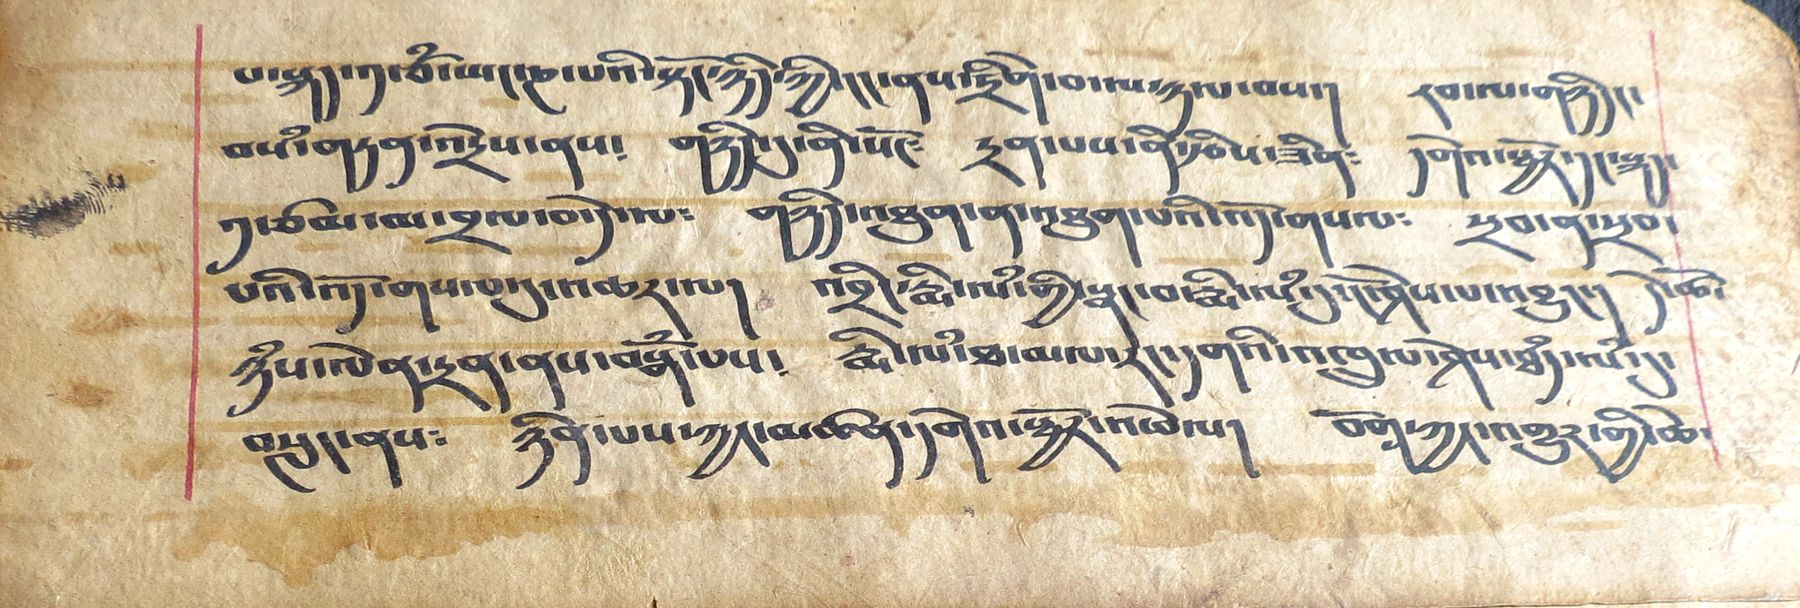པ་སྐད་ཙམ་ཡང་མེད་པའི་སྟོང་ཉིད་ཀྱི་ངང་ནས་ཧྲིག་གེ་བ་ལ་ཉལ་བས། རབ་ལ་གཉིད་དང་
བསམ་གཏན་འདྲེས་ནས་གཉིད་དུ་ནི་སོང་། དྲན་པའི་རྩིས་ནི་ཟིན། དགེ་སྦྱོར་དང་སྐད་
ཅིག་ཙམ་ཡང་མ་བྲལ་བ་དེ་ལ། གཉིད་མཐུག་ན་མཐུག་པའི་འོད་གསལ། སྲབ་ན་སྲབ་
པའི་འོད་གསལ་དུ་འཆར་ལ། འབྲིང་རྨི་ལམ་གྱི་སྣང་བ་ལམ་དུ་ངོ་ཤེས་པ་འབྱུང་། དེའི་ཚེ་
ཉམས་ལེན་དྲན་ནས་བསྒོམ་པས། རྨི་ལམ་ཐ་མལ་རང་དགའི་འཁྲུལ་ཤེས་ཐམས་ཅད་ལམ་དུ་
བསླངས་ནས། ཉིན་བས་ཀྱང་མཚན་དགེ་སྦྱོར་འཕེལ། བོགས་ཀྱང་འགྱུར་གྱིས་ཆེ་